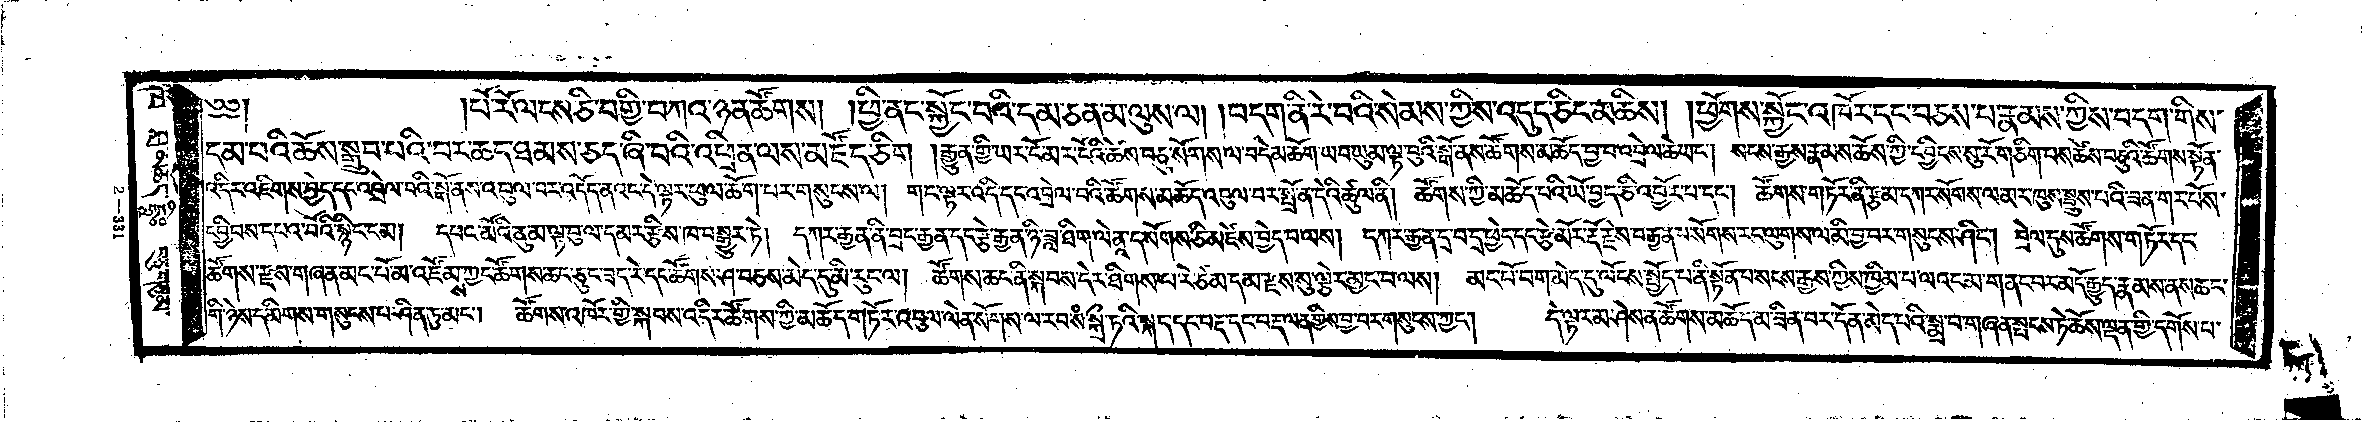༄༅། །པོ་རོ་ལངས་ཅི་བགྱི་བཀའ་ཉན་ཚོགས། །ཕྱི་ནང་སྐྱོང་བའི་དམ་ཅན་མ་ལུས་ལ། །བདག་ནི་རེ་བའི་སེམས་ཀྱིས་འདུད་ཅིང་མཆིས། །ཕྱོགས་སྐྱོང་འཁོར་དང་བཅས་པ་རྣམས་ཀྱིས་བདག་གིས་
དམ་པའི་ཆོས་སྒྲུབ་པའི་བར་ཆད་ཐམས་ཅད་ཞི་བའི་འཕྲིན་ལས་མཛོད་ཅིག །རྒྱུན་གྱི་ཡར་ངོ་མར་ངོའི་ཚེས་བཅུ་སོགས་ལ་བདེ་མཆོག་ཡབ་ཡུམ་ལྟ་བུའི་སྒོ་ནས་ཚོགས་མཆོད་བྱ་བ་འབྲེལ་ཆེ་ཡང་། སངས་རྒྱས་རྣམས་ཆོས་ཀྱི་དབྱིངས་སུ་རོ་གཅིག་པས་ཚེས་བཅུའི་ཚོགས་སྟོན་
འདིར་འཇིགས་བྱེད་དང་འབྲེལ་བའི་སྒོ་ནས་འབུལ་བར་འདོད་ནའང་དེ་ལྟར་ཕུལ་ཆོ་ག་པར་གསུངས་ལ། གང་ལྟར་འདི་དང་འབྲེལ་བའི་ཚོགས་མཆོད་འབུལ་བར་སྤྲོ་ན་དེའི་ཚུལ་ནི། ཚོགས་ཀྱི་མཆོད་པའི་ཡོ་བྱད་ཅི་འབྱོར་པ་དང་། ཚོགས་གཏོར་ནི་རྩམ་དཀར་སོགས་ལ་མར་ཁུས་སྦྲུས་པའི་ཟན་གར་པོས་
དབྱིབས་དཔའ་བོའི་སྙིང་དམ། དབང་མོའི་ནུམ་ལྟ་བུ་ལ་དམར་རྩིས་ཁ་བསྒྱུར་ཏེ། དཀར་རྒྱན་ནི་བྲང་རྒྱན་དང་རྩེ་རྒྱན་ཉི་ཟླ་ཐིག་ལེནཱ་ད་སོགས་ཅི་མཛེས་བྱེད་པ་ལས། དཀར་རྒྱན་དྲ་བ་དྲ་ཕྱེད་དང་རྩེ་མོར་རྡོ་རྗེས་བརྒྱན་པ་སོགས་རང་ལུགས་ལ་མི་བྱ་བར་གསུངས་ཤིང་། བྲེལ་དུས་ཚོགས་གཏོར་དང་
ཚོགས་རྫས་གཞན་མང་པོ་མ་འཛོམས་ཀྱང་ཚོགས་ཆང་ཅུང་ཟད་རེ་དང་ཚོགས་ཤ་བཅས་མེད་དུ་མི་རུང་ལ། ཚོགས་ཆང་ནི་སྐབས་དེར་ཐིགས་པ་རེ་ཙམ་དམ་རྫས་སུ་ལྕེར་མྱང་བ་ལས། མང་པོ་བག་མེད་དུ་ལོངས་སྤྱོད་པ་ནི་སྟོན་པ་སངས་རྒྱས་ཀྱིས་ཁྱིམ་པ་ལའང་མ་མདོ་རྒྱུད་རྣམས་ནས་ཆང་
གི་ཉེས་དམིགས་གསུངས་པ་ཤིན་ཏུ་མང་། ཚོགས་འཁོར་གྱི་སྐབས་འདིར་ཚོགས་ཀྱི་མཆོད་གཏོར་འབུལ་ལེན་སོགས་ལ་རབ་སཾ་སྐྲྀ་ཏའི་སྐད་དང་བརྡ་དང་བརྡ་ལན་གྱིས་བྱ་བར་གསུངས་ཀྱང་། དེ་ལྟར་མ་ཤེས་ན་ཚོགས་མཆོད་མ་ཟིན་པར་དོན་མེད་པའི་སྨྲ་བ་གཞན་སྤངས་ཏེ་ཆོས་ལྡན་གྱི་དགོས་པ་